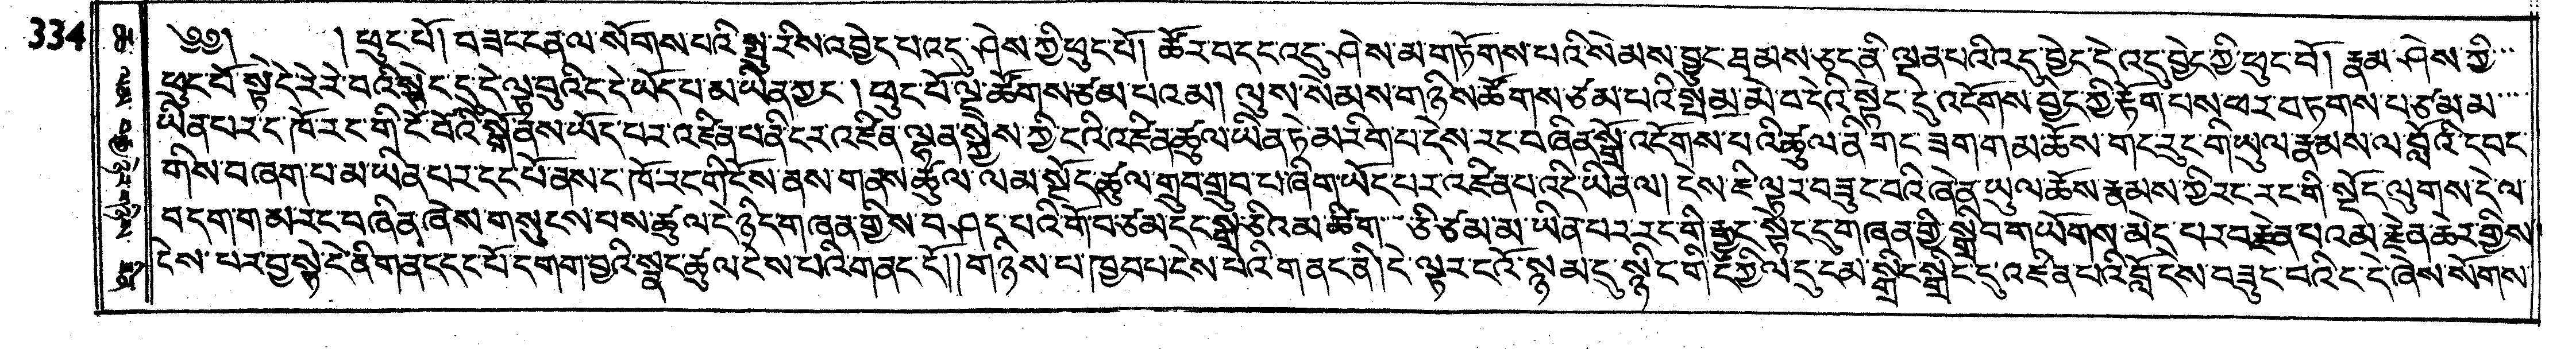༄༅། །ཕུང་པོ། བཟང་ངན་ལ་སོགས་པའི་སྤུ་རིས་འབྱེད་པ་འདུ་ཤེས་ཀྱི་ཕུང་པོ། ཚོར་བ་དང་འདུ་ཤེས་མ་གཏོགས་པའི་སེམས་བྱུང་ཐམས་ཅད་ནི་ལྡན་པའི་འདུ་བྱེད་དེ་འདུ་བྱེད་ཀྱི་ཕུང་པོ། རྣམ་ཤེས་ཀྱི་
ཕུང་པོ་སྟེ་དེ་རེ་རེ་བའི་སྟེང་དུ་དེ་ལྟ་བུའི་ང་དེ་ཡོད་པ་མ་ཡིན་ཀྱང་། ཕུང་པོ་ལྔ་ཚོགས་ཙམ་པའམ། ལུས་སེམས་གཉིས་ཚོགས་ཙམ་པའི་སྤམ་མེ་བ་དེའི་སྟེང་དུ་འདོགས་བྱེད་ཀྱི་རྟོག་པས་ཕར་བཏགས་པ་ཙམ་མ་
ཡིན་པར་ང་ཁོ་རང་གི་ངོ་བོའི་སྒོ་ནས་ཡོད་པར་འཛིན་པ་ནི་ངར་འཛིན་ལྷན་སྐྱེས་ཀྱི་ངའི་འཛིན་ཚུལ་ཡིན་ཏེ་མ་རིག་པ་དེས་རང་བཞིན་སྒྲོ་འདོགས་པའི་ཚུལ་ནི་གང་ཟག་གམ་ཆོས་གང་རུང་གི་ཡུལ་རྣམས་ལ་བློའི་དབང་
གིས་བཞག་པ་མ་ཡིན་པར་དང་པོ་ནས་ང་ཁོ་རང་གི་ངོས་ནས་གནས་ཚུལ་ལམ་སྔོད་ཚུལ་གྲུབ་གྲུབ་པ་ཞིག་ཡོད་པར་འཛིན་པ་འདི་ཡིན་ལ། དེས་ཇི་ལྟར་བཟུང་བའི་ཞེ་ན་ཡུལ་ཆོས་རྣམས་ཀྱི་རང་རང་གི་སྡོད་ལུགས་དེ་ལ་
བདག་གམ་རང་བཞིན་ཞེས་གསུངས་པས་ཚུལ་དེ་ཉིད་གཞན་གྱིས་བཤད་པའི་གོ་བ་ཙམ་དང་སྒྲ་ཅིའམ་ཚིག་ཅི་ཙམ་མ་ཡིན་པར་རང་གི་རྒྱུད་སྟེང་དུ་གཞན་གྱི་སྒྲིབ་གཡོགས་མེད་པར་བརྗེན་པའམ་རྗེན་ཆེར་གྱིས་
ངེས་པར་བྱ་སྟེ་དེ་ནི་གནད་དང་པོ་དགག་བྱའི་སྣང་ཚུལ་ངེས་པའི་གནད་དོ། །གཉིས་པ་ཁྱབ་པ་ངེས་པའི་གནད་ནི། དེ་ལྟར་ངའོ་སྙམ་དུ་སྙིང་གི་དཀྱིལ་དུ་དམ་སྒྲིང་སྒྲིང་དུ་འྯིན་པའི་བློ་དེས་བཟུང་བའི་ང་དེ་ཞེས་སོགས་